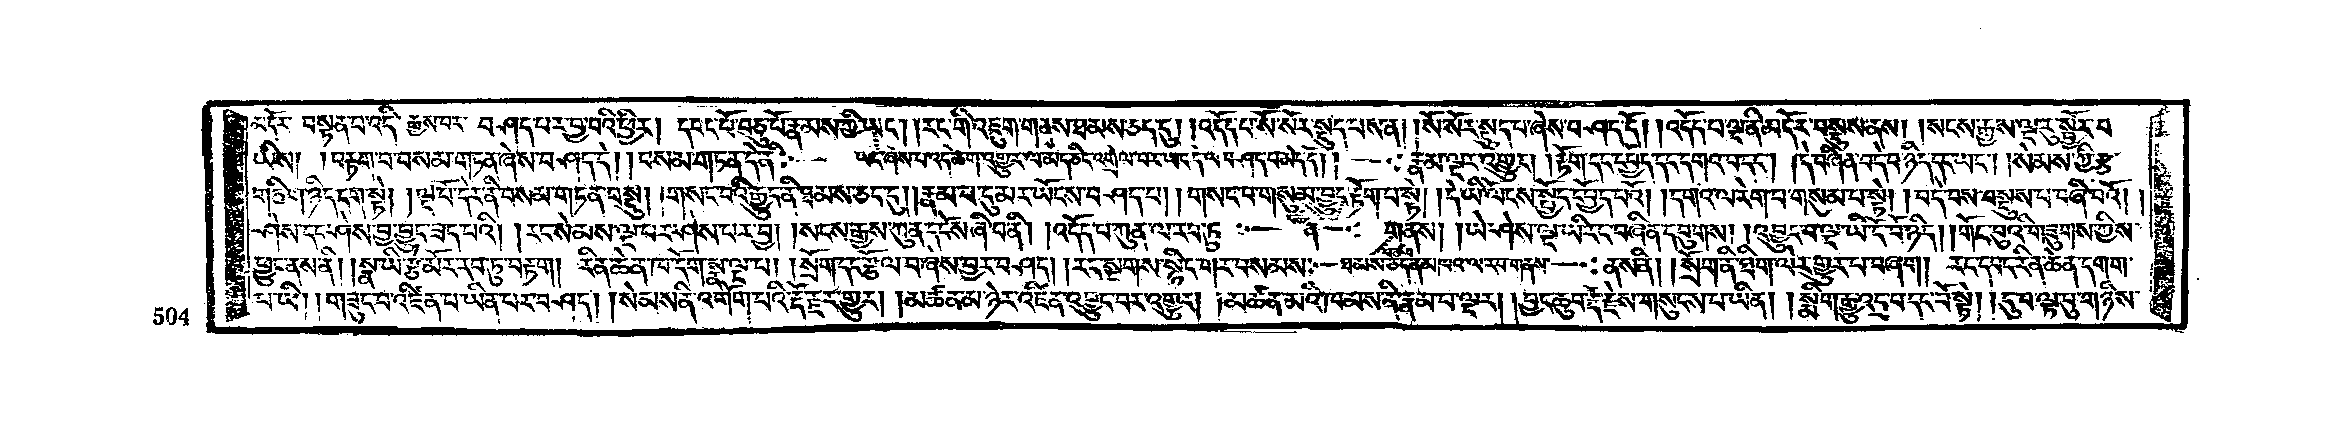མདོར་བསྟན་པ་འདི་རྒྱས་པར་བཤད་པར་བྱ་བའི་ཕྱིར། དབང་པོ་བཅུ་པོ་རྣམས་ཀྱི་ཡང་། །རང་གི་འཇུག་གནས་ཐམས་ཅད་དུ། །འདོད་པ་སོ་སོར་སྡུད་པས་ན། །སོ་སོར་སྡུད་པ་ཞེས་བཤད་དོ། །འདོད་པ་ལྔ་ནི་མདོར་བསྡུས་ནས། །སངས་རྒྱས་ལྔ་རུ་སྦྱོར་བ་
ཡིས། །བརྟག་བ་བསམ་གཏན་ཞེས་བཤད་དེ། །བསམ་གཏན་དེ་ནིཿ་ཡང་ཞེས་པ་འདི་ཆག་འགྱུར་ལ་མེད་ཅིང་འགྲེལ་བར་ཡང་དེ་ལ་བཤད་པ་མེད་དོ།།  .Hརྣམ་ལྔར་འགྱུར། །རྟོག་དང་དཔྱོད་དང་དགའ་བ་དང་། །དེ་བཞིན་བདེ་བ་ཉིད་དང་ཡང་། །སེམས་ཀྱི་རྩེ་
གཅིག་ཉིད་དག་སྟེ། །ལྔ་པོ་དེར་ནི་བསམ་གཏན་བསྡུ། །གསང་བའི་རྒྱུད་ནི་ཐམས་ཅད་དུ། །རྣམ་པ་དུ་མར་ཡོངས་བཤད་པ། །གསང་བ་གསུམ་བྱུང་རྟོག་པ་སྟེ། །དེ་ཡི་ལོངས་སྤྱོད་དཔྱོད་པའོ། །དགའ་ལ་རེག་པ་གསུམ་པ་སྟེ། །བདེ་བས་བསྡུས་པ་བཞི་པའོ། །
ཤེས་དང་ཤེས་བྱ་བྱུང་ཟད་པའི། །རང་སེམས་ལྔ་པར་ཤེས་པར་བྱ། །སངས་རྒྱས་ཀུན་དངོས་ཞི་བ་ནི། །འདོད་པ་ཀུན་ལ་རབ་ཏུཿ་པ་ཚབ་ནི་H.་གནས། །ཡེ་ཤེས་ལྔ་ཡི་རང་བཞིན་དབུགས། །འབྱུང་བ་ལྔ་ཡི་ངོ་བོ་ཉིད། །གོང་བུའི་གཟུགས་ཀྱིས་
ཕྱུང་ནས་ནི། །སྣ་ཡི་རྩེ་མོར་རབ་ཏུ་བརྟག །རིན་ཆེན་ཁ་དོག་སྣ་ལྔ་པ། །སྲོག་དང་རྩོལ་བ་ཞེས་བྱར་བཤད། །རང་སྔགས་སྙིང་གར་བསམས་H.་ཐམས་ཅད་པ་ཚབ་ནམ་མཁའ་ལ་རབ་གནས་.Hནས་ནི། །སྲོག་ནི་ཐིག་ལེར་གྱུར་པ་བཞག །རང་དབང་རིན་ཆེན་དགག་
པ་ཡི། །གཟུང་བ་འཛིན་པ་ཡིན་པར་བཤད། །སེམས་ནི་འགོག་པའི་རྡོ་རྗེར་གྱུར། །མཚན་མ་ཉེར་འཛིན་འབྱུང་བར་འགྱུར། །མཚན་མའི་ཁམས་ནི་རྣམ་པ་ལྔར། །བྱང་ཆུབ་རྡོ་རྗེས་གསུངས་པ་ཡིན། །སྨིག་རྒྱུ་འདྲ་བ་དང་པོ་སྟེ། །དུ་བ་ལྟ་བུ་གཉིས་